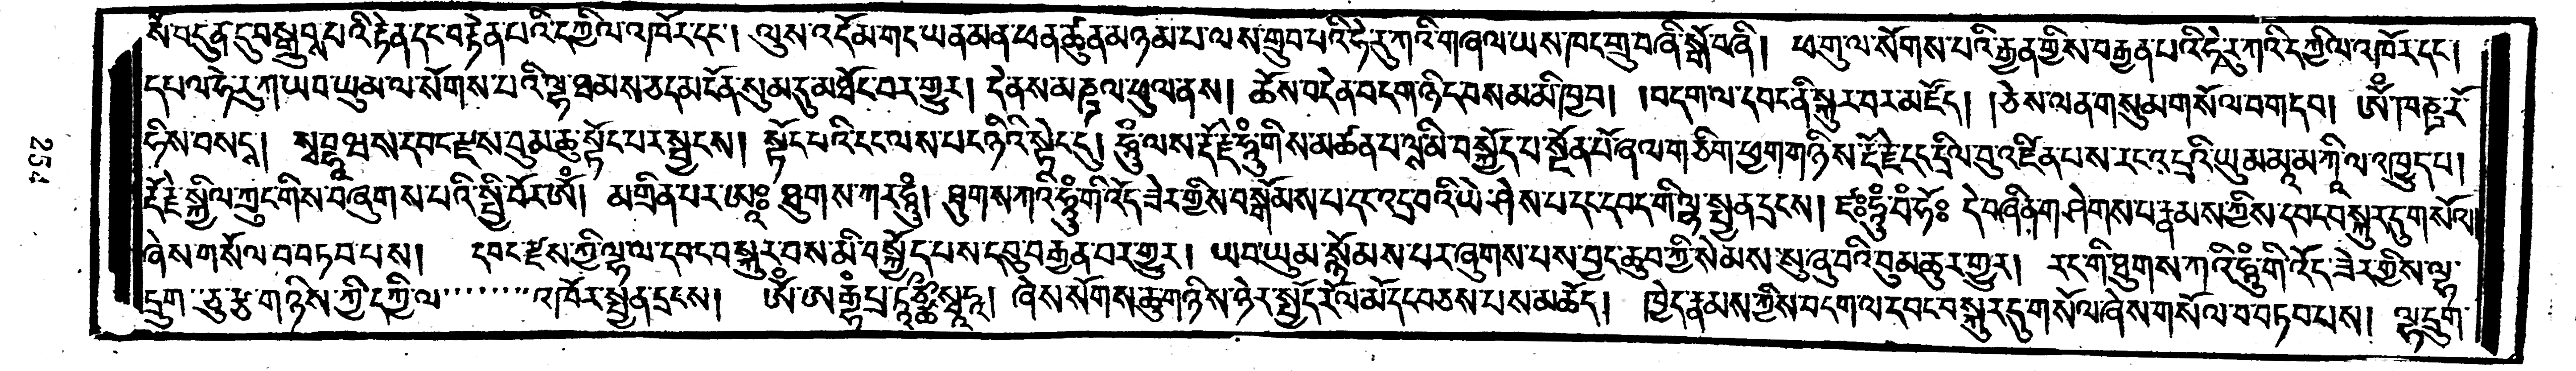སོ་བདུན་དུ་བསྒྲུབས་པའི་རྟེན་དང་བརྟེན་པའི་དཀྱིལ་འཁོར་དང་། ལུས་འདོམ་གང་ཡན་མན་ཕན་ཚུན་མཉམ་པ་ལས་གྲུབ་པའི་ཧེ་རུ་ཀའི་གཞལ་ཡས་ཁང་གྲུ་བཞི་སྒོ་བཞི། ཕ་གུ་ལ་སོགས་པའི་རྒྱན་གྱིས་བརྒྱན་པའི་ཧེ་རུ་ཀའི་དཀྱིལ་འཁོར་དང་།
དཔལ་ཧེ་རུ་ཀ་ཡབ་ཡུམ་ལ་སོགས་པའི་ལྷ་ཐམས་ཅད་མངོན་སུམ་དུ་མཐོང་བར་གྱུར། དེ་ནས་མཎྜལ་ཕུལ་ནས། ཆོས་བདེན་བདག་ཉིད་བསམ་མི་ཁྱབ། །བདག་ལ་དབང་ནི་སྐུར་བར་མཛོད། །ཅེས་ལན་གསུམ་གསོལ་བ་གདབ། ཨོཾ་ཁཎྜ་རོ་
ཧིས་བསངས། སྭ་བྷཱ་ཝས་དབང་རྫས་བུམ་ཆུ་སྟོང་པར་སྦྱངས། སྟོང་པའི་ངང་ལས་པང་ཉིའི་སྟེང་དུ། ཧཱུཾ་ལས་རྡོ་རྗེ་ཧཱུཾ་གིས་མཚན་པ་ལས་མི་བསྐྱོད་པ་སྔོན་པོ་ཞལ་གཅིག་ཕྱག་གཉིས་རྡོ་རྗེ་དང་དྲིལ་བུ་འཛིན་པས་རང་འདྲའི་ཡུམ་མཱ་མ་ཀཱི་ལ་འཁྱུད་པ།
རྡོ་རྗེ་སྐྱིལ་ཀྲུང་གིས་བཞུགས་པའི་སྤྱི་བོར་ཨོཾ། མགྲིན་པར་ཨཱཿ ཐུགས་ཀར་ཧཱུཾ། ཐུགས་ཀའི་ཧཱུཾ་གི་འོད་ཟེར་གྱིས་བསྒོམས་པ་དང་འདྲ་བའི་ཡེ་ཤེས་པ་དང་དབང་གི་ལྷ་སྤྱན་དྲངས། ཛཿ ཧཱུཾ་བཾ་ཧོཿ དེ་བཞིན་གཤེགས་པ་རྣམས་ཀྱིས་དབང་བསྐུར་དུ་གསོལ།
ཞེས་གསོལ་བ་བཏབ་པས། དབང་རྫས་ཀྱི་ལྷ་ལ་དབང་བསྐུར་བས་མི་བསྐྱོད་པས་དབུ་བརྒྱན་པར་གྱུར། ཡབ་ཡུམ་སྙོམས་པར་ཞུགས་པས་བྱང་ཆུབ་ཀྱི་སེམས་སུ་ཞུ་བའི་བུམ་ཆུར་གྱུར། རང་གི་ཐུགས་ཀའི་ཧཱུཾ་གི་འོད་ཟེར་གྱིས་ལྷ་
དྲུག་ཅུ་རྩ་གཉིས་ཀྱི་དཀྱིལ་འཁོར་སྤྱན་དྲངས། ཨོཾ་ཨརྒྷཾ་པྲ་ཏཱྀཙྪ་སྭཱ་ཧཱ། ཞེས་སོགས་ཆུ་གཉིས་ཉེར་སྤྱོད་རོལ་མོ་དང་བཅས་པས་མཆོད། ཁྱེད་རྣམས་ཀྱིས་བདག་ལ་དབང་བསྐུར་དུ་གསོལ་ཞེས་གསོལ་བ་བཏབ་པས། ལྷ་དྲུག་